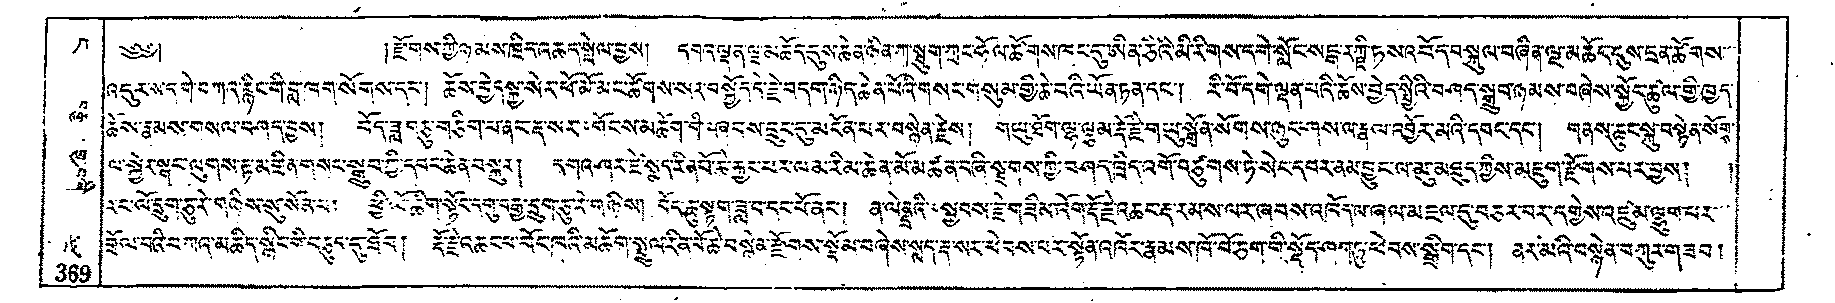༄༅། །རྫོགས་ཀྱི་ཉམས་ཁྲིད་འཆད་སྤེལ་བྱས། དགའ་ལྡན་ལྔ་མཆོད་དུས་ཆེན་ཉིན་ཀ་སྦུག་ཀྲང་ཧོལ་ཚོགས་ཁང་དུ་ཨིན་ཅིའི་མི་རིགས་དགེ་སློང་སངྒ་རཀྵི་ཏས་འབོད་བསྐུལ་བཞིན་ལྔ་མཆོད་དུས་དྲན་ཚོགས་
འདུར་ས་དགེ་བཀའ་རྙིང་གི་བླ་ཁག་སོགས་དང་། ཆོས་བྱེད་སྐྱ་སེར་ཕོ་མོ་མང་ཚོགས་སར་བསྐྱེད་དེ་རྗེ་བདག་ཉིད་ཆེན་པོའི་གསང་གསུམ་གྱི་ཆེ་བའི་ཡོན་ཏན་དང་། རི་བོ་དགེ་ལྡན་པའི་ཆོས་བྱེད་སྤྱིའི་བཤད་སྒྲུབ་ཉམས་བཞེས་སྐྱོང་ཚུལ་གྱི་ཁྱད་
ཆོས་རྣམས་གསལ་བཤད་བྱས། བོད་ཟླ་བཅུ་གཅིག་པ་ནང་རྡ་སར་༧གོང་ས་མཆོག་གི་༧ཞབས་དྲུང་དུ་མངོན་པར་བསྙེན་རྗེས། གཡུ་ཐོག་ལྷ་ལྕམ་རྡོ་རྗེ་གཡུ་སྒྲོན་སོགས་ཉུང་ཤས་ལ་རྣལ་འབྱོར་མའི་དབང་དང་། གནས་ཆུང་སྐུ་བསྟེན་སོགས་
ལ་སྐྱེར་སྒང་ལུགས་རྟ་མགྲིན་གསང་སྒྲུབ་ཀྱི་དབང་ཆེན་བསྐུར། དགའ་ཤར་ཛེ་སྨད་རིན་པོ་ཆེ་རྐྱང་པར་ལམ་རིམ་ཆེན་མོ་མཚན་བཞི་སྦྲགས་ཀྱི་བཤད་ཁྲིད་འགོ་བཙུགས་ཏེ་སེང་དབར་ནམ་བྱུང་ལ་མུ་མཐུད་ཀྱིས་མཇུག་རྫོགས་པར་བྱས། །
རང་ལོ་དྲུག་ཅུ་རེ་གཉིས་སུ་སོན་པ། ཕྱི་ལོ་ཆིག་སྟོང་དགུ་བརྒྱ་དྲུག་ཅུ་རེ་གཉིས། བོད་ཆུ་སྟག་ཟླ་བ་དང་པོ་ནང་། ན་ལེནྡྲའི་༧སྐྱབས་རྗེ་གཟིམ་འོག་རྡོ་རྗེ་འཆང་རྡ་རམ་ས་ལར་ཞབས་འཁོད་ལ་ཞལ་མཇལ་དུ་བཅར་བར་དགྱེས་འཛུམ་ལྷུག་པར་
གྲོལ་བའི་བཀའ་མཆིད་སྙིང་གི་བཅུད་དུ་ཐོབ། རྡོ་རྗེ་འཆང་ཕ་བོང་ཁའི་མཆོག་སྤྲུལ་རིན་པོ་ཆེ་བསྙེན་རྫོགས་སྡོམ་བཞེས་སླད་རྡ་སར་ཕེབས་པར་སྟོན་འཁོར་རྣམས་ཁོ་བོ་ཅག་གི་སྡོད་ཤག་ཏུ་ཕེབས་སྒྲིག་དང་། ནར་མའི་བསྙེན་བཀུར་གཟབ།